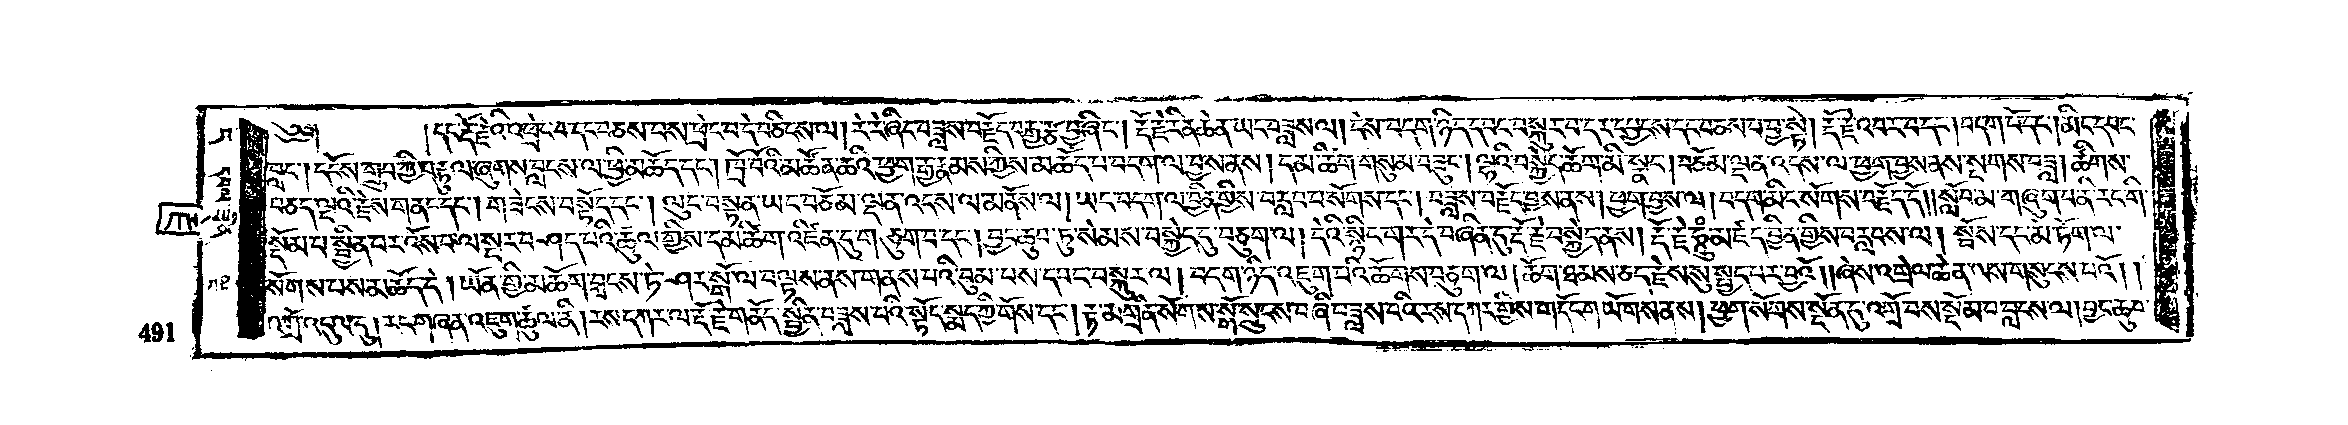༄༅། །དང་རྡོ་རྗེའི་འཕྲེང་བ་དང་བཅས་པས་ཕྲེང་བ་དེ་བཅིངས་ལ། རེ་རེ་ཞིང་བཟླས་བརྗོད་བརྒྱ་རྩ་བྱ་ཞིང་། རྡོ་རྗེ་རིན་ཆེན་ཡང་བཟླས་ལ། དེས་བདག་ཉིད་དབང་བསྐུར་བ་དར་དབྱངས་དང་བཅས་པ་བྱ་སྟེ། རྡོ་རྗེ་འབར་བ་དང་། བདག་པོ་དང་། མིང་དབང་
བླང་། དངོས་གྲུབ་ཀྱི་བརྟུལ་ཞུགས་བླངས་ལ་ཕྱི་མཆོད་དང་། ཁྲོ་བོའི་མཚོན་ཆའི་ཕྱག་རྒྱ་རྣམས་ཀྱིས་མཆོད་པ་བདག་ལ་བྱས་ནས། དམ་ཚིག་གསུམ་བཟུང་། ལྷའི་བསྐྱེད་ཆོག་མི་སྣང་། བཅོམ་ལྡན་འདས་ལ་ཕྱག་བྱས་ནས་སྔགས་བཟླ། ཚིགས་
བཅད་ལྔའི་རྗེས་གནང་དང་། གཟེངས་བསྟོད་དང་། ལུང་བསྟན་ཡང་བཅོམ་ལྡན་འདས་ལ་མ་ནོས་ལ། ཡང་བདག་ལ་བྱིན་གྱིས་བརླབ་པ་སོགས་དང་། བཟླས་བརྗོད་བྱས་ནས། ཕྱག་བྱས་ལ། བདག་མིང་སོགས་བརྗོད་དོ། །སློབ་མ་གཞུག་པ་ནི་རང་གི་
སྡོམ་པ་སྦྱིན་པར་འོས་པ་ལ་སྔར་བཤད་པའི་ཚུལ་གྱིས་དམ་ཚིག་འཛིན་དུ་གཅུག་པ་དང་། བྱང་ཆུབ་ཏུ་སེམས་བསྐྱེད་དུ་བཅུག་ལ། དེའི་སྙིང་གར་དེ་བཞིན་དུ་རྡོ་རྗེ་བསྐྱེད་ནས། རྡོ་རྗེ་ཧཱུཾ་མཛད་བྱིན་གྱིས་བརླབས་ལ། སྤོས་དང་མེ་ཏོག་ལ་
སོགས་པས་མཆོད་དེ། ཡོན་གྱི་མཆོག་བླངས་ཏེ་ཤར་སྒོ་ལ་བལྟས་ནས་གནས་པའི་བུམ་པས་དབང་བསྐུར་ལ། བདག་ཉིད་འཇུག་པའི་ཆོགས་བཅུག་ལ། ཆོག་ཐམས་ཅད་རྗེས་སུ་སྤྱད་པར་བྱའོ། །ཞེས་འགྲེལ་ཆེན་ལས་གསུངས་པའོ། །
འགྲོ་འདུལ་དུ། རང་གཞན་འཇུག་ཚུལ་ནི། རས་དཀར་ལ་རྡོ་རྗེ་གནོད་སྦྱིན་བཟླས་པའི་སྟོད་སྨད་ཀྱི་གོས་དང་། རྟ་མགྲིན་སོགས་སྒོ་སྲུངས་བཞི་བཟླས་པའི་རས་དཀར་གྱིས་གདོང་གཡོགས་ནས། ཕྱག་སོགས་སྔོན་དུ་འགྲོ་བས་སྡོམ་པ་བླངས་ལ། བྱང་ཆུབ་